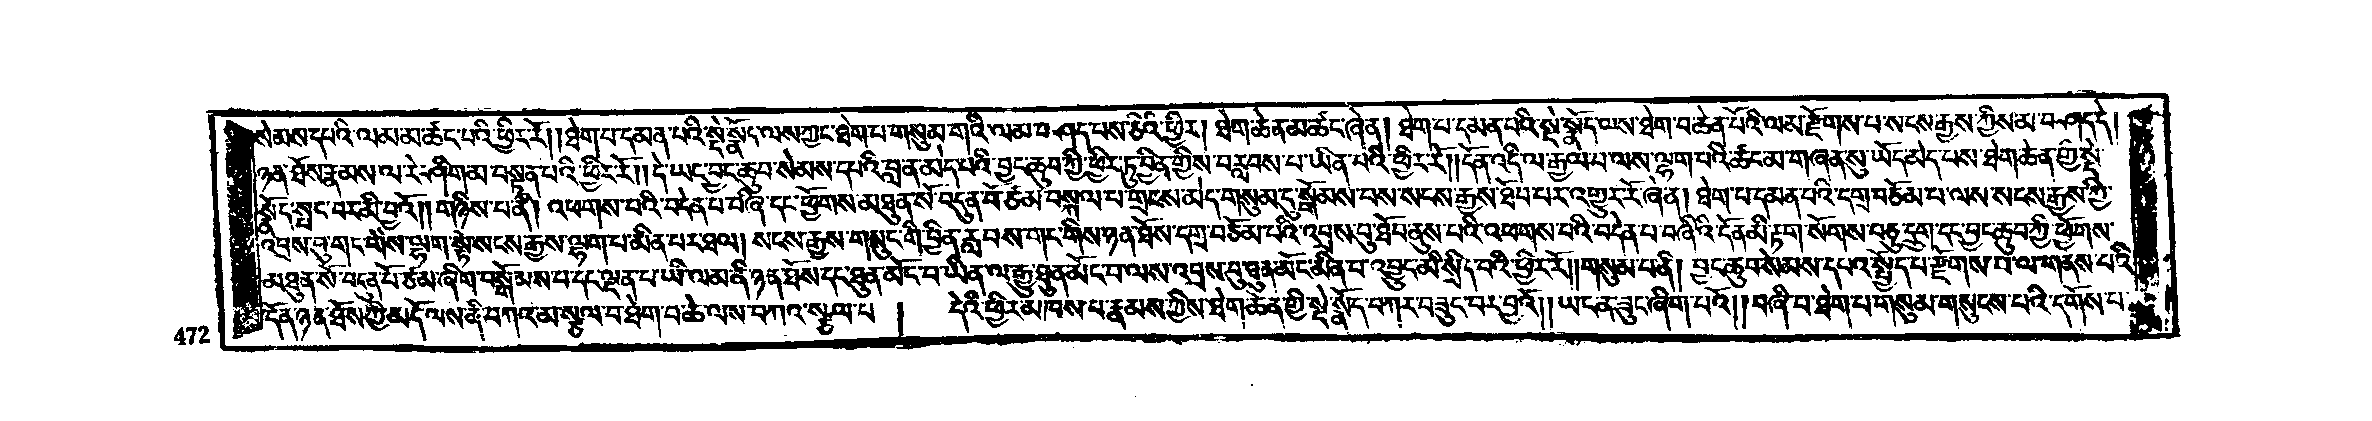སེམས་དཔའི་ལམ་མ་ཚང་བའི་ཕྱིར་རོ། །ཐེག་པ་དམན་པའི་སྡེ་སྣོད་ལས་ཀྱང་ཐེག་པ་གསུམ་གའི་ལམ་བཤད་པས་ཅིའི་ཕྱིར། ཐེག་ཆེན་མཚང་ཞེ་ན། ཐེག་པ་དམན་པའི་སྡེ་སྣོད་ལས་ཐེག་པ་ཆེན་པོའི་ལམ་རྫོགས་པ་སངས་རྒྱས་ཀྱིས་མ་བཤད་དེ།
ཉན་ཐོས་རྣམས་ལ་རེ་ཤིག་མ་བསྟན་པའི་ཕྱིར་རོ། །དེ་ཡང་བྱང་ཆུབ་སེམས་དཔའི་བླ་ན་མེད་པའི་བྱང་ཆུབ་ཀྱི་ཕྱིར་ཏུ་བྱིན་གྱིས་བརླབས་པ་ཡིན་པའི་ཕྱིར་རོ། །དོན་འདི་ལ་རྒྱལ་བ་ལས་ལྷག་པའི་ཚང་མ་གཞན་སུ་ཡོད་མེད་པས་ཐེག་ཆེན་གྱི་སྡེ་
སྣོད་སྤང་བར་མི་བྱའོ། །གཉིས་པ་ནི། འཕགས་པའི་བདེན་པ་བཞི་དང་ཕྱོགས་མཐུན་སོ་བདུན་པོ་ཙམ་བསྐལ་པ་གྲངས་མེད་གསུམ་དུ་སྒོམས་པས་སངས་རྒྱས་ཐོབ་པར་འགྱུར་རོ་ཞེ་ན། ཐེག་པ་དམན་པའི་དགྲ་བཅོམ་པ་ལས་སངས་རྒྱས་ཀྱི་
འབྲས་བུ་གང་གིས་ལྷག་སྟེ་སངས་རྒྱས་ལྷག་པ་མིན་པར་ཐལ། སངས་རྒྱས་གསུང་གི་བྱིན་རླབས་གང་གིས་ཉན་ཐོས་དགྲ་བཅོམ་པའི་འབྲས་བུ་ཐོབ་ནུས་པའི་འཕགས་པའི་བདེན་པ་བཞིའི་དོན་མི་རྟག་སོགས་བཅུ་དྲུག་དང་བྱང་ཆུབ་ཀྱི་ཕྱོགས་
མཐུན་སོ་བདུན་པོ་ཙམ་ཞིག་བསྒོམས་པ་དང་ལྡན་པ་ཡི་ལམ་ནི་ཉན་ཐོས་དང་ཐུན་མོང་བ་ཡིན་ལ་རྒྱུ་ཐུན་མོང་བ་ལས་འབྲས་བུ་ཐུན་མོང་མིན་པ་འབྱུང་མི་སྲིད་པའི་ཕྱིར་རོ། །གསུམ་པ་ནི། བྱང་ཆུབ་སེམས་དཔའ་སྤྱོད་པ་རྫོགས་པ་ལ་གནས་པའི་
དོན་ཉན་ཐོས་ཀྱི་མདོ་ལས་ནི་བཀའ་མ་སྩལ་བ་ཐེག་པ་ཆེ་ལས་བཀའ་སྩལ་པ། དེའི་ཕྱིར་མཁས་པ་རྣམས་ཀྱིས་ཐེག་ཆེན་གྱི་སྡེ་སྣོད་བཀར་བཟུང་བར་བྱའོ། །ཡང་ན་ཟུང་ཞིག་པའོ། །བཞི་པ་ཐེག་པ་གསུམ་གསུངས་པའི་དགོས་པ་